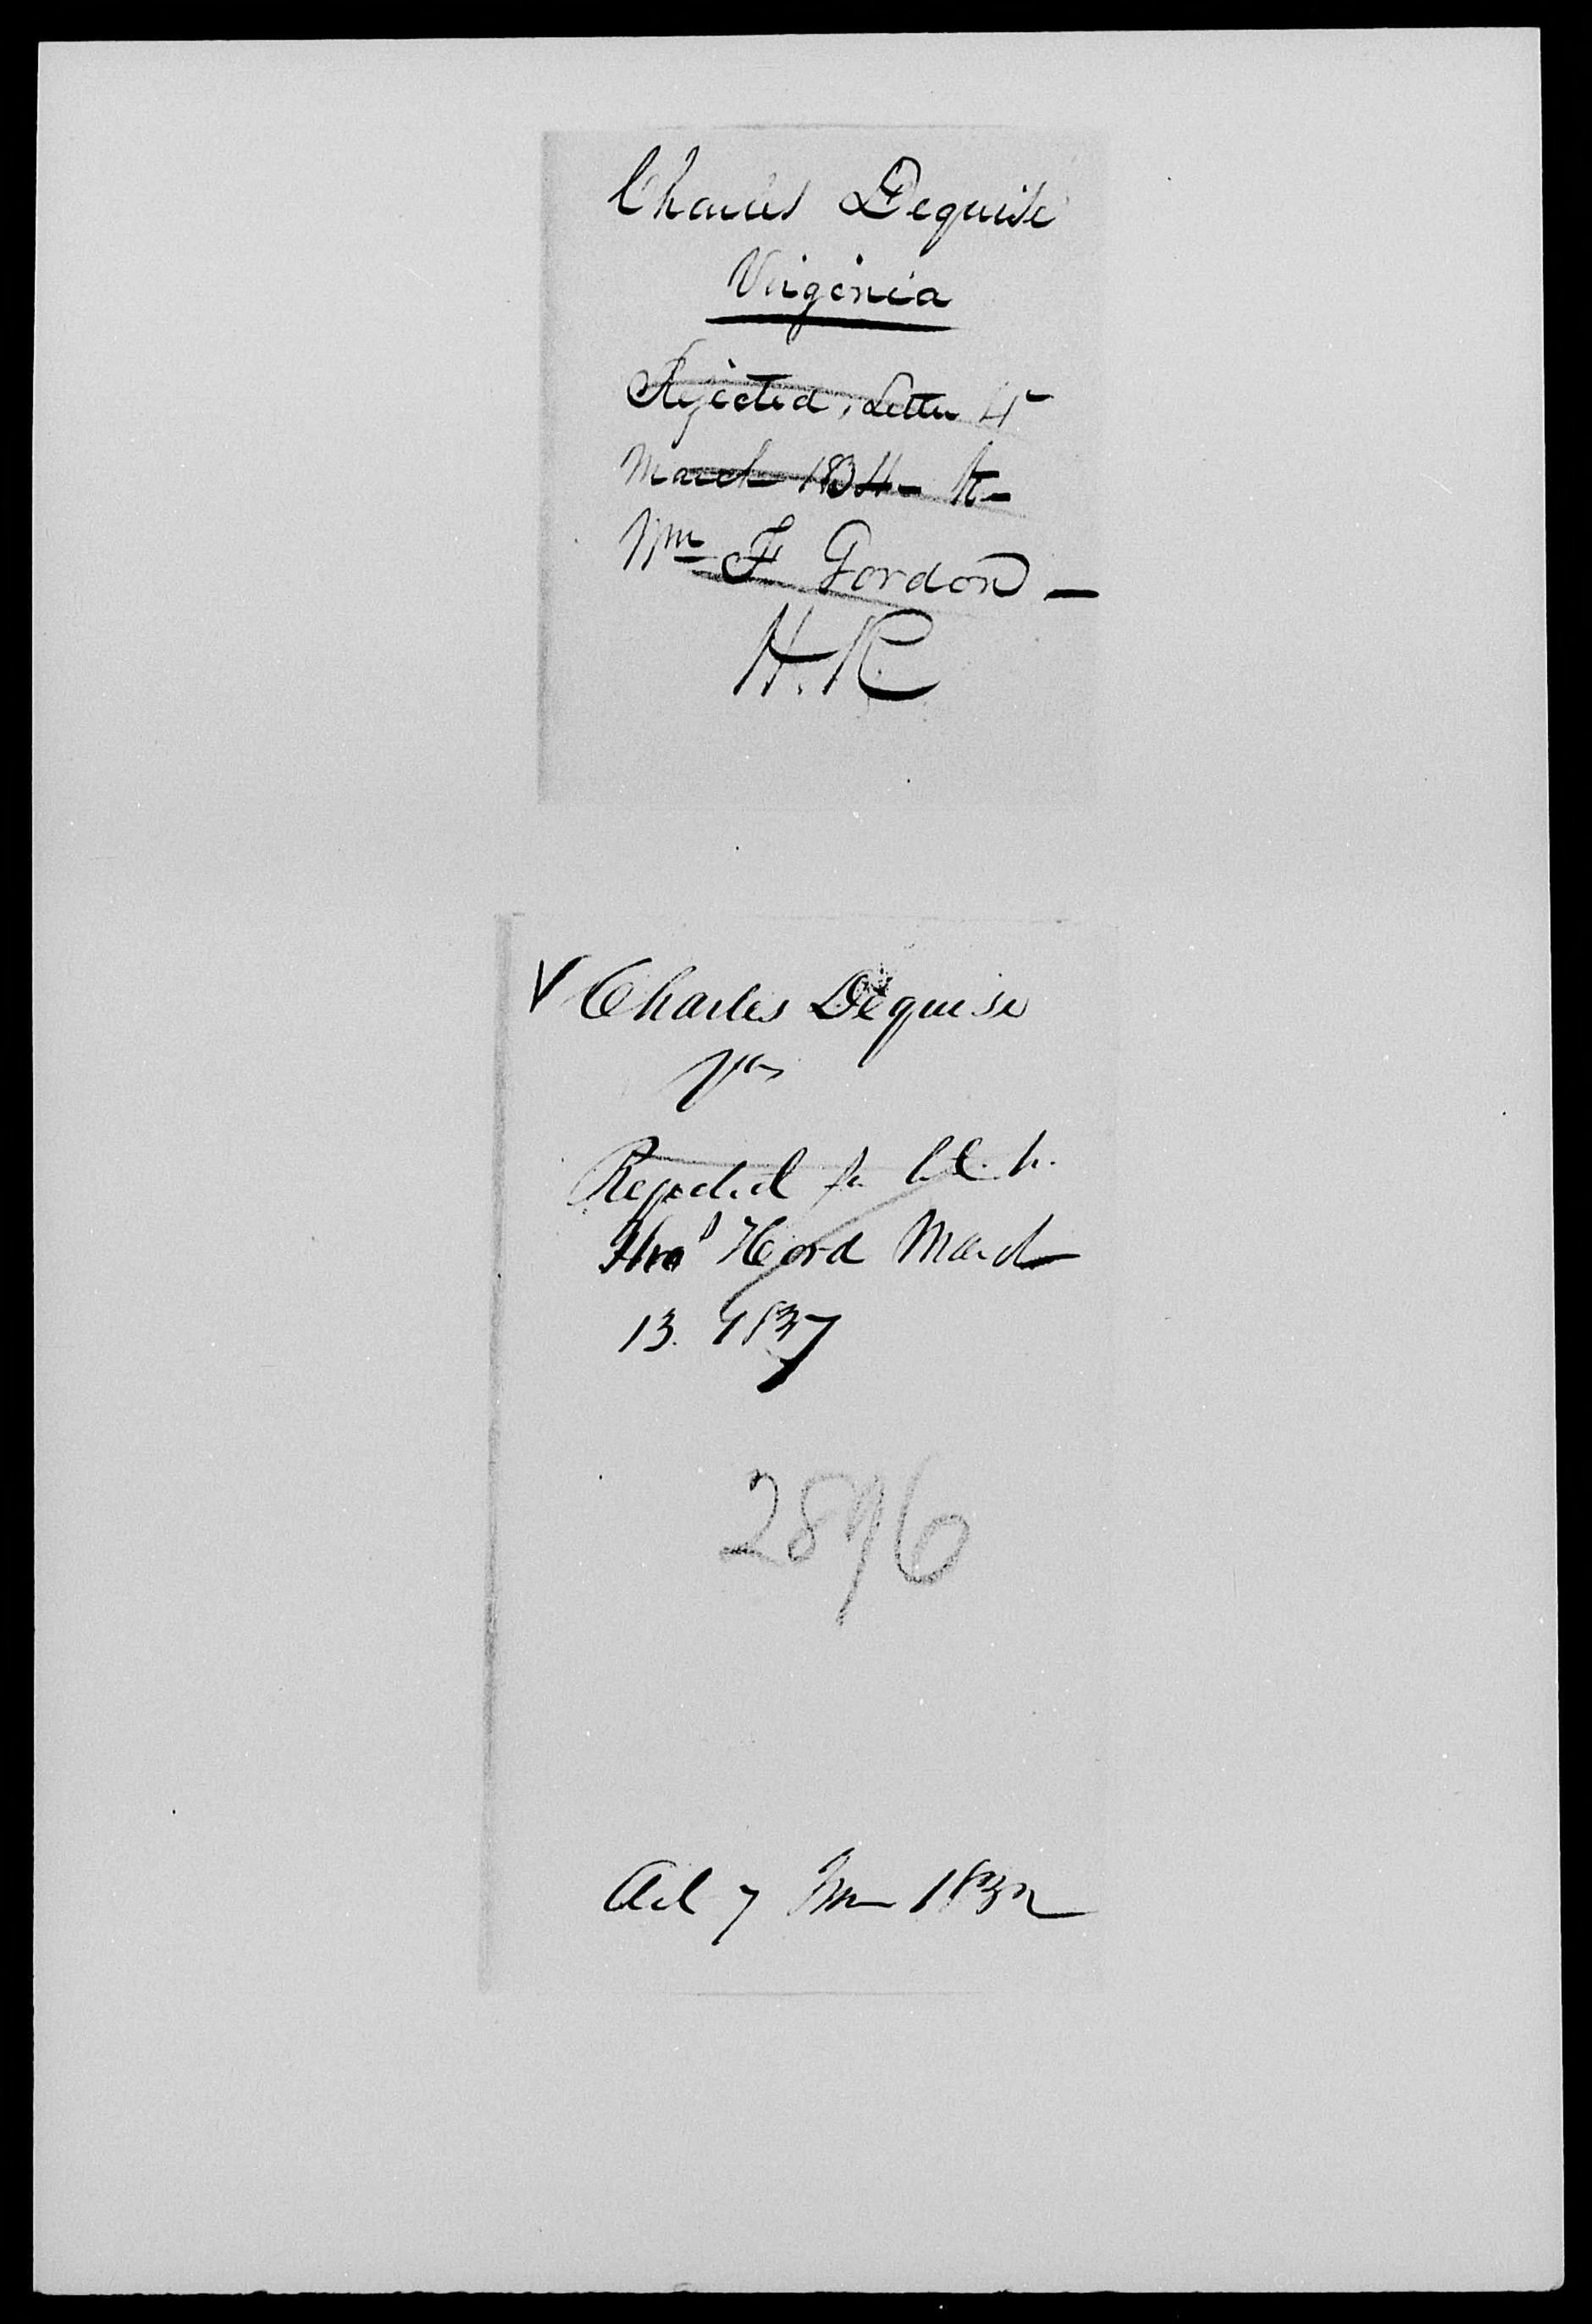Charles Dequisie

Rejected - see let to Hon Cord
March 13 1837


2896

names: Wm F Gordon, Charles Dequise, Charles Dequise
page: 7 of 21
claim: rejected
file: R. 2,896, Charles Duzua, French